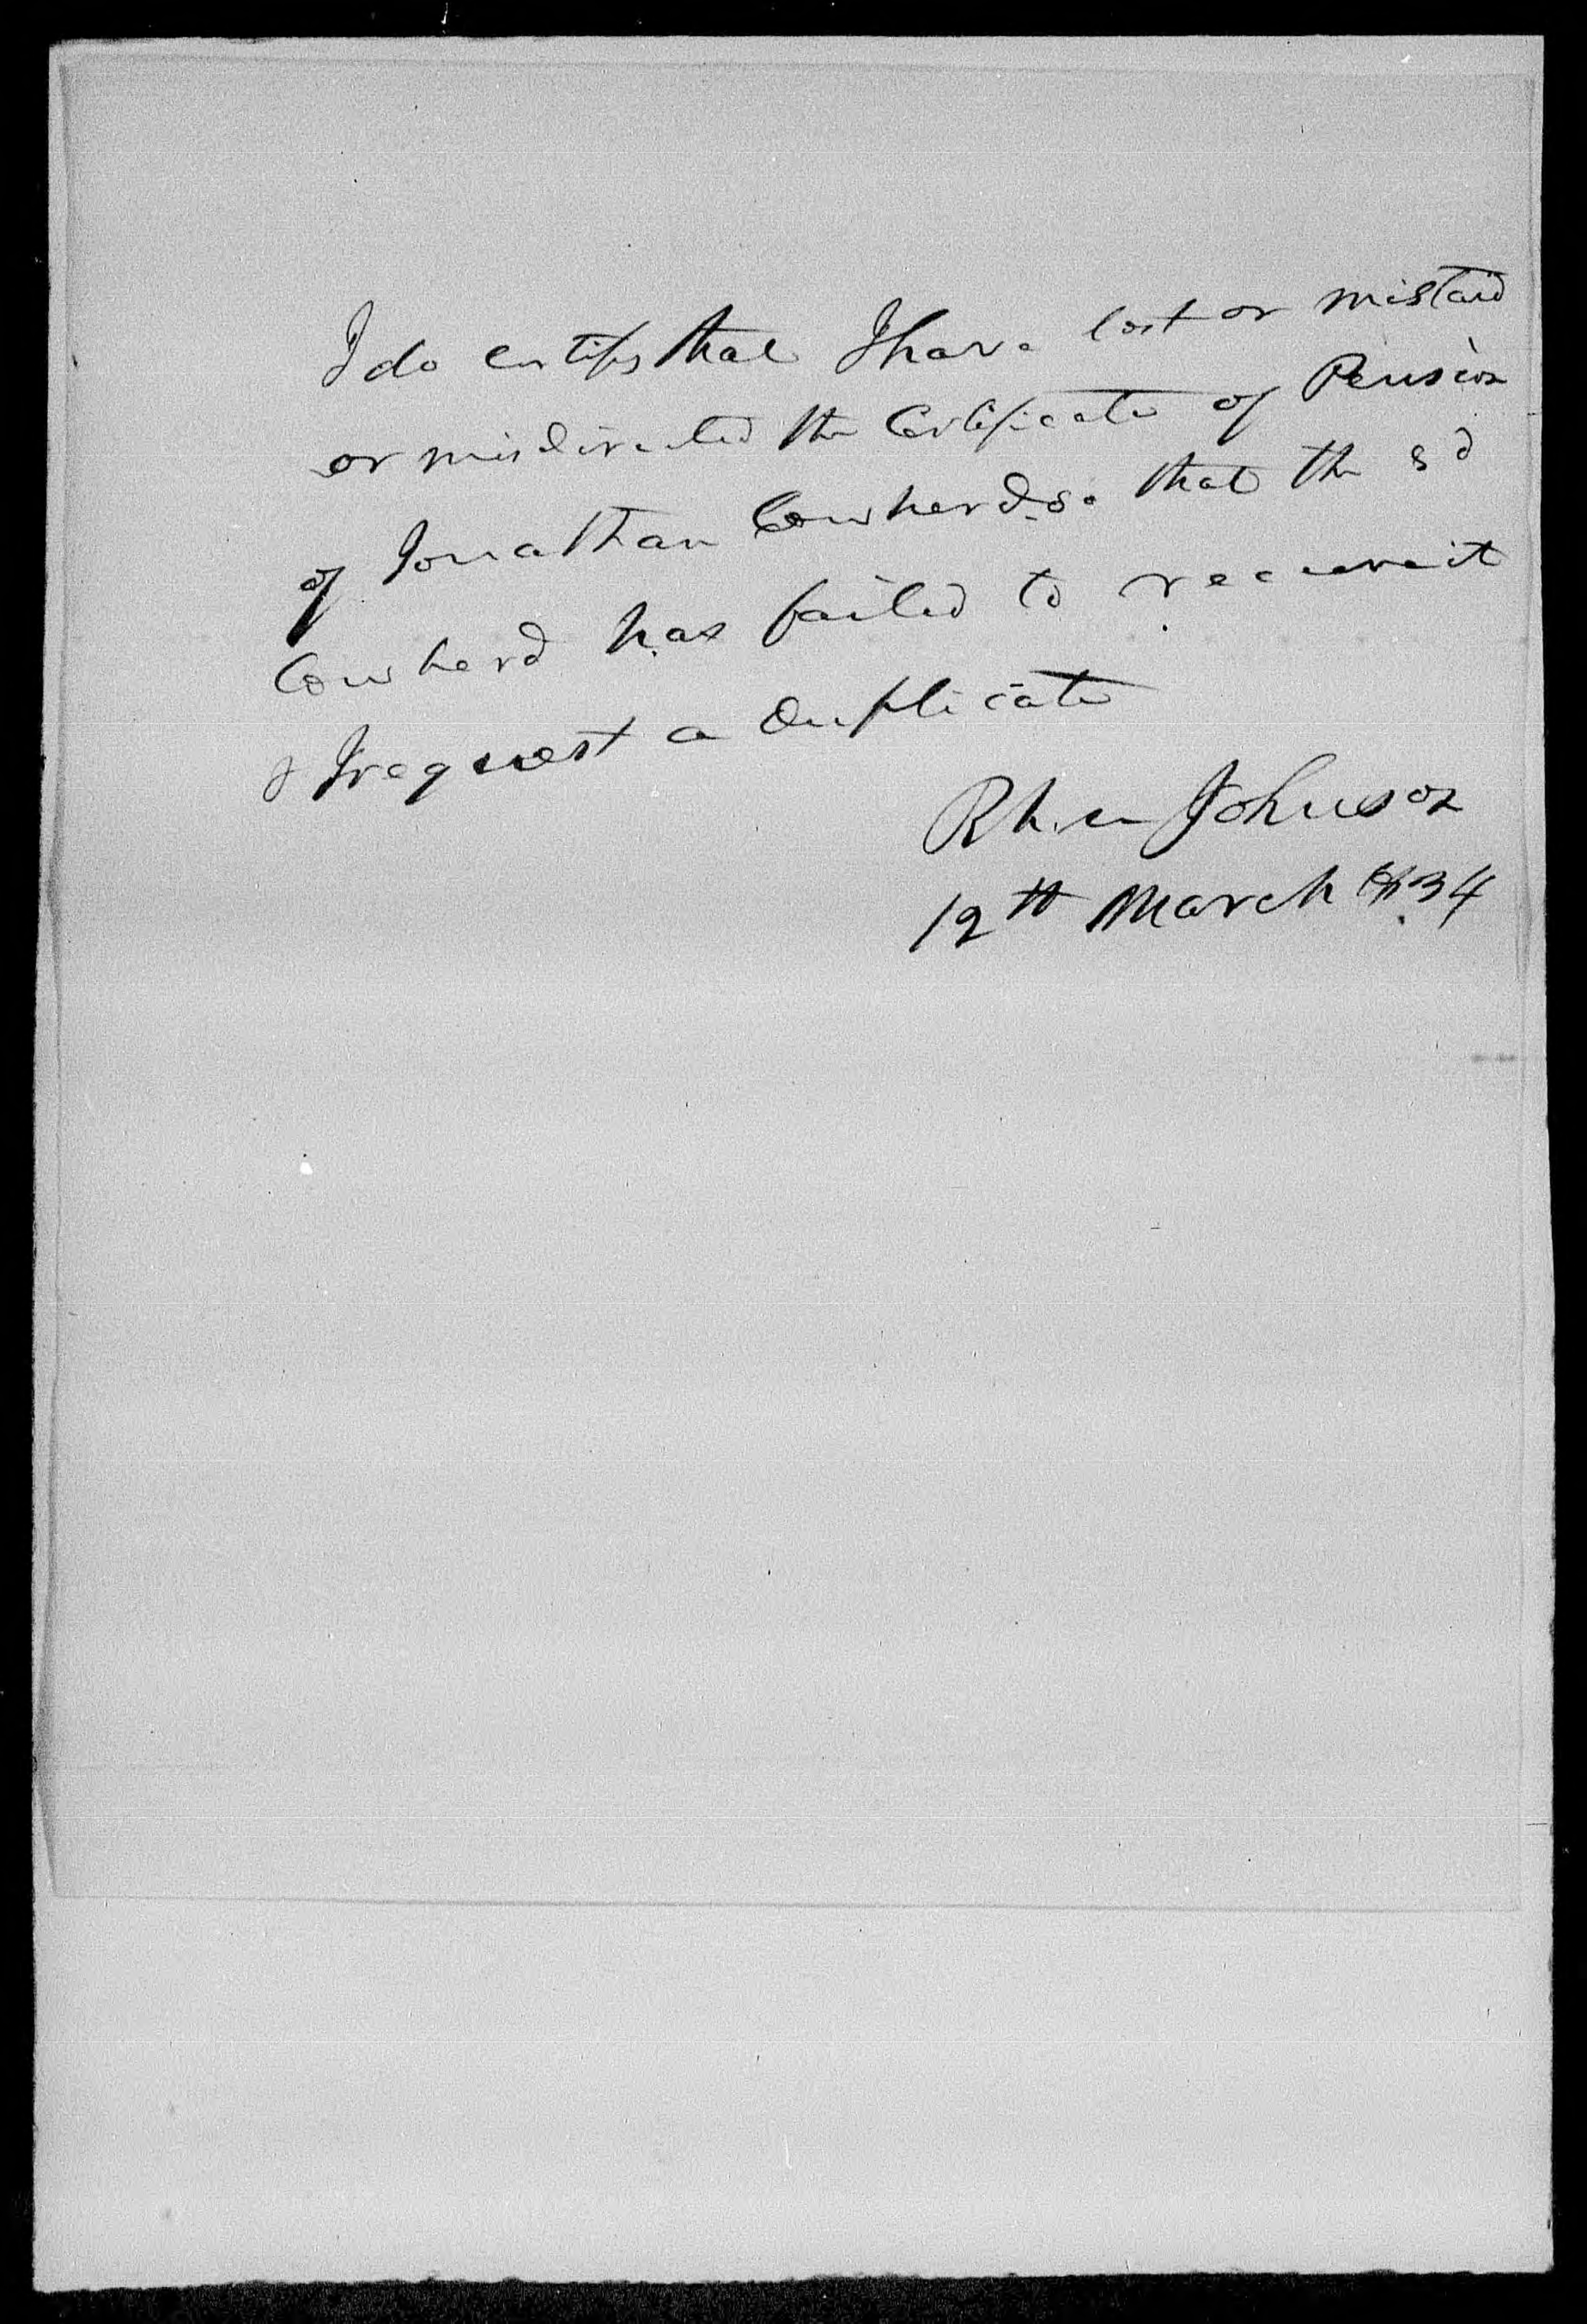I do certify that I have lost or mislaid
or misdirected the certificate of Pension of Jonathan Cowherd that the sd [said] Cowherd  has failed to receive it and I request a duplicate
Robert Johnson
12th March 1834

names: Jonathan Cowherd, Cowherd, Rhee Johnson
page: 32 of 46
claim: widow's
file: W 8619, Jonathan Cowherd, Va.